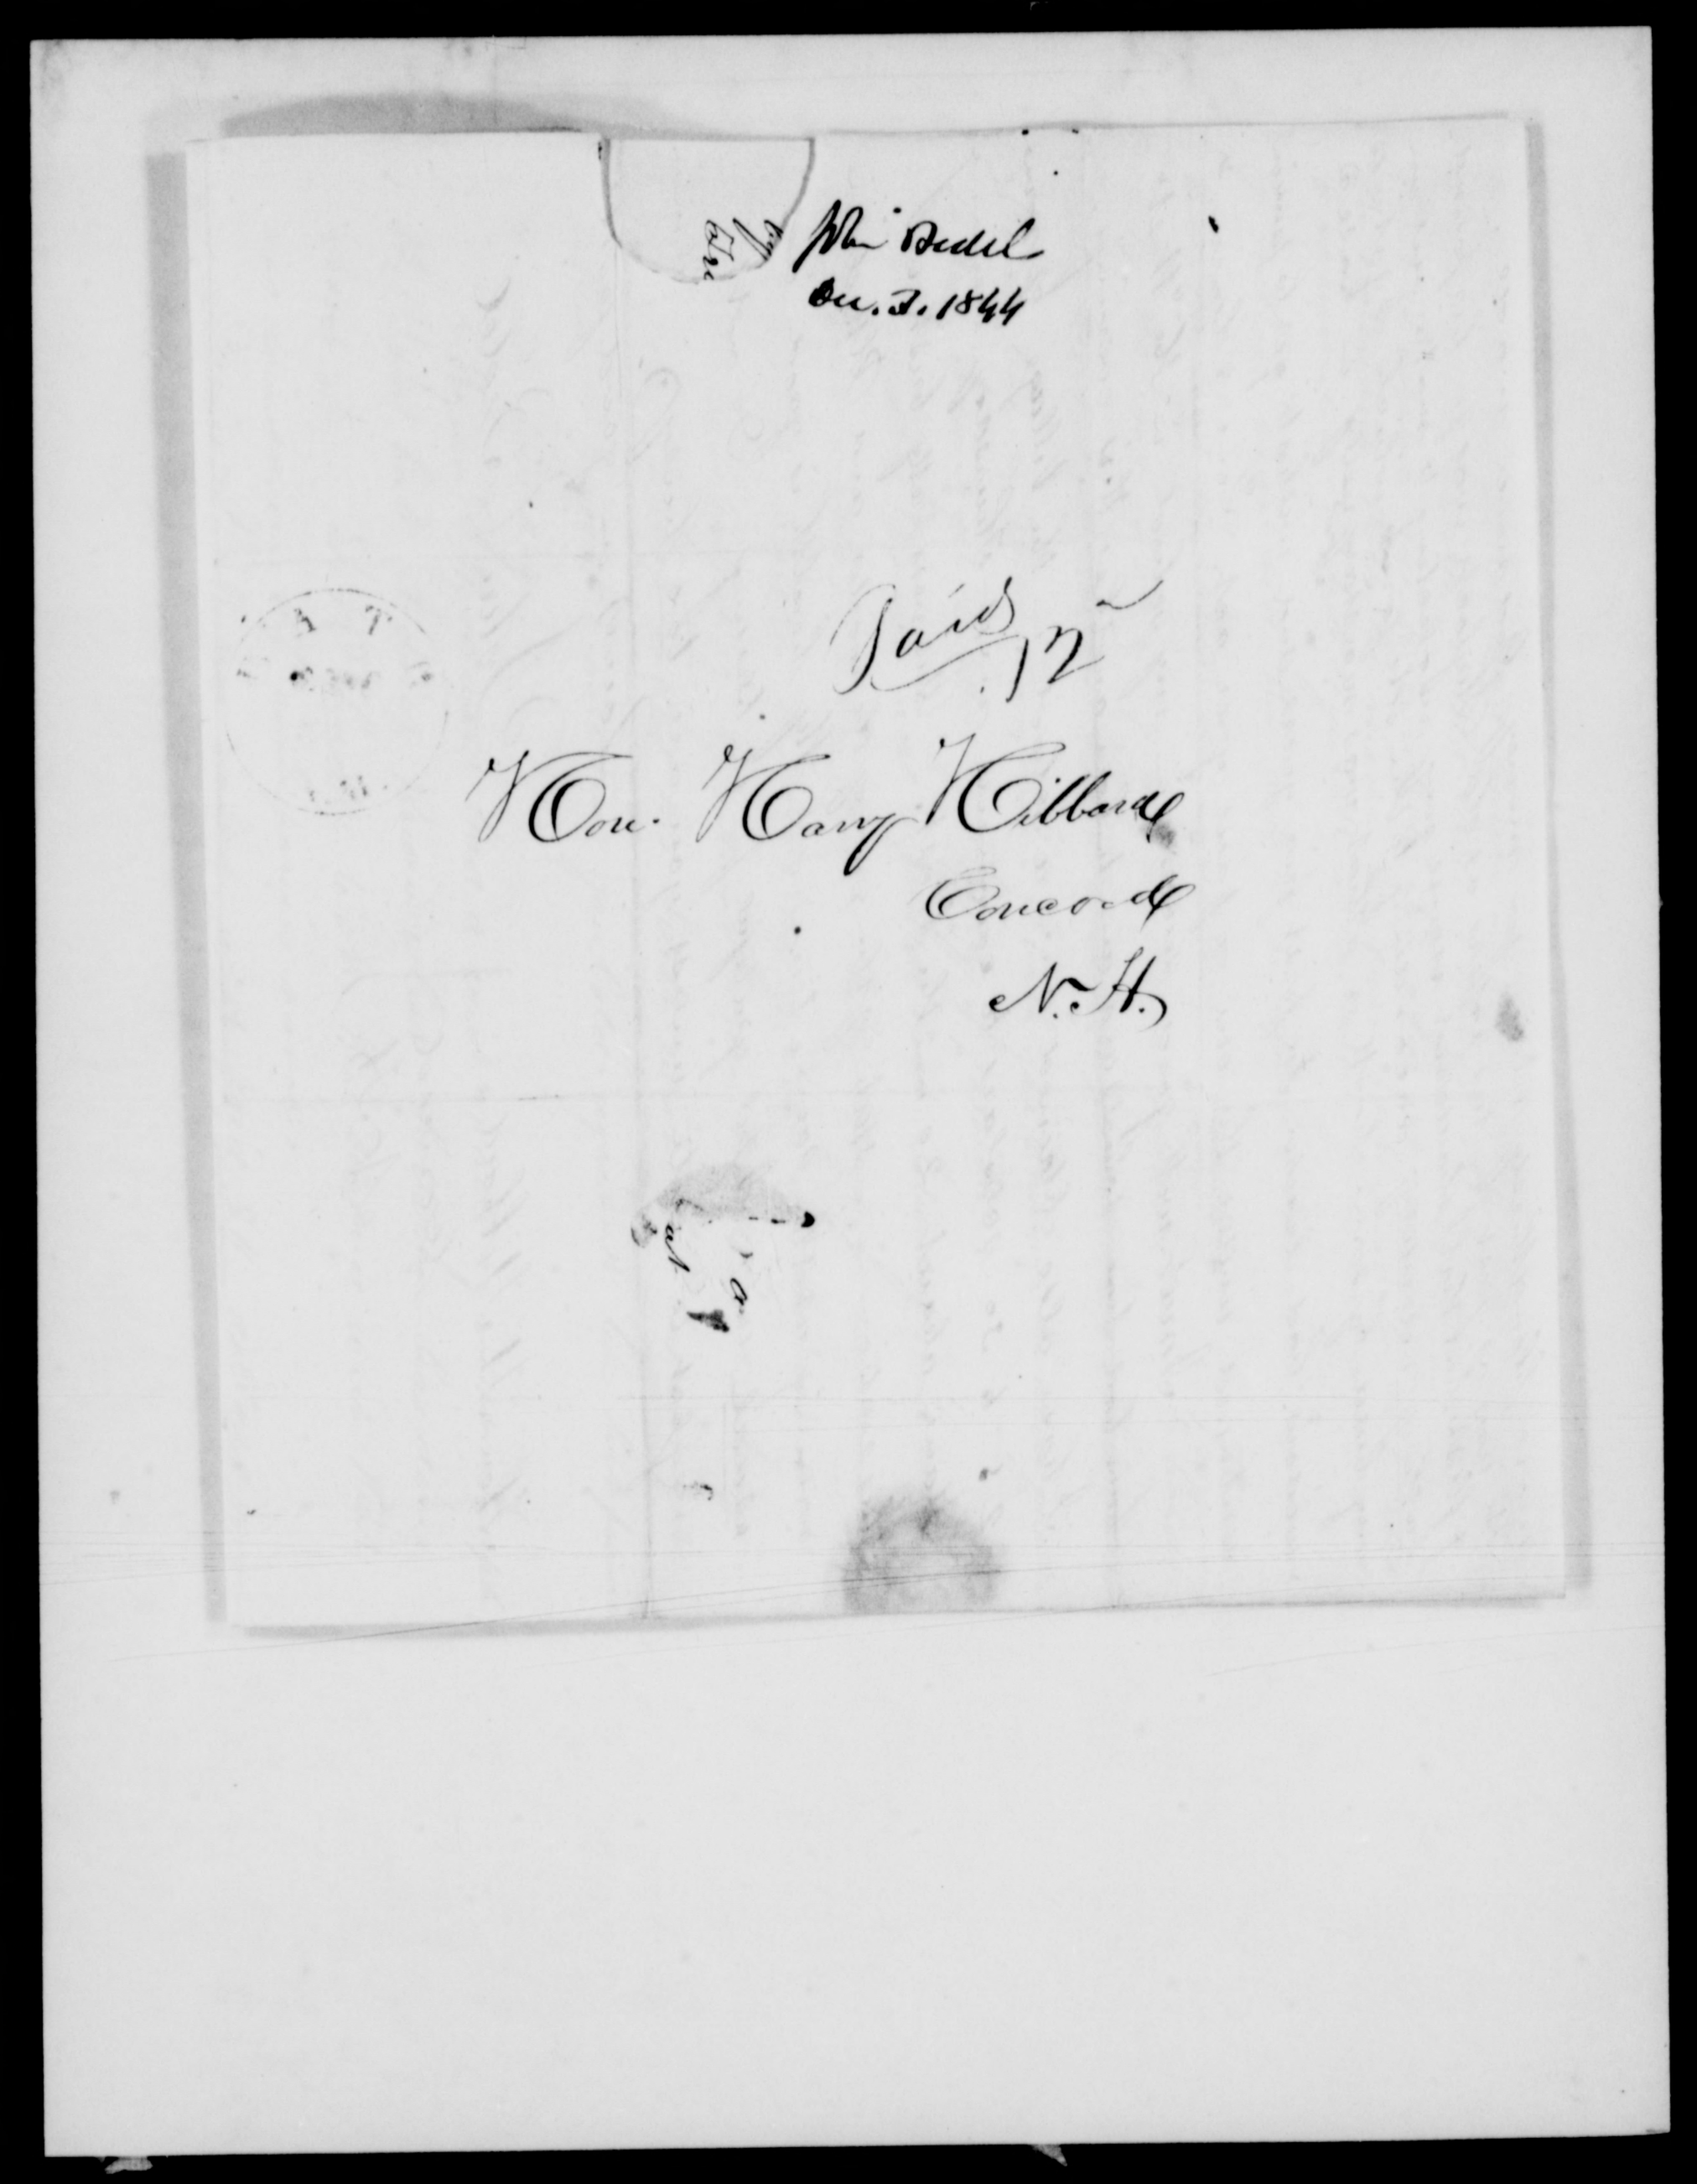John Bedel
Dec. 3, 1844
Paid 12
Hon. Harry Hibbard
Concord
N. H.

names: John Bedel, Harry Hibbard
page: 50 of 78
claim: widow's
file: W. 25856, Samuel Way, N.H.